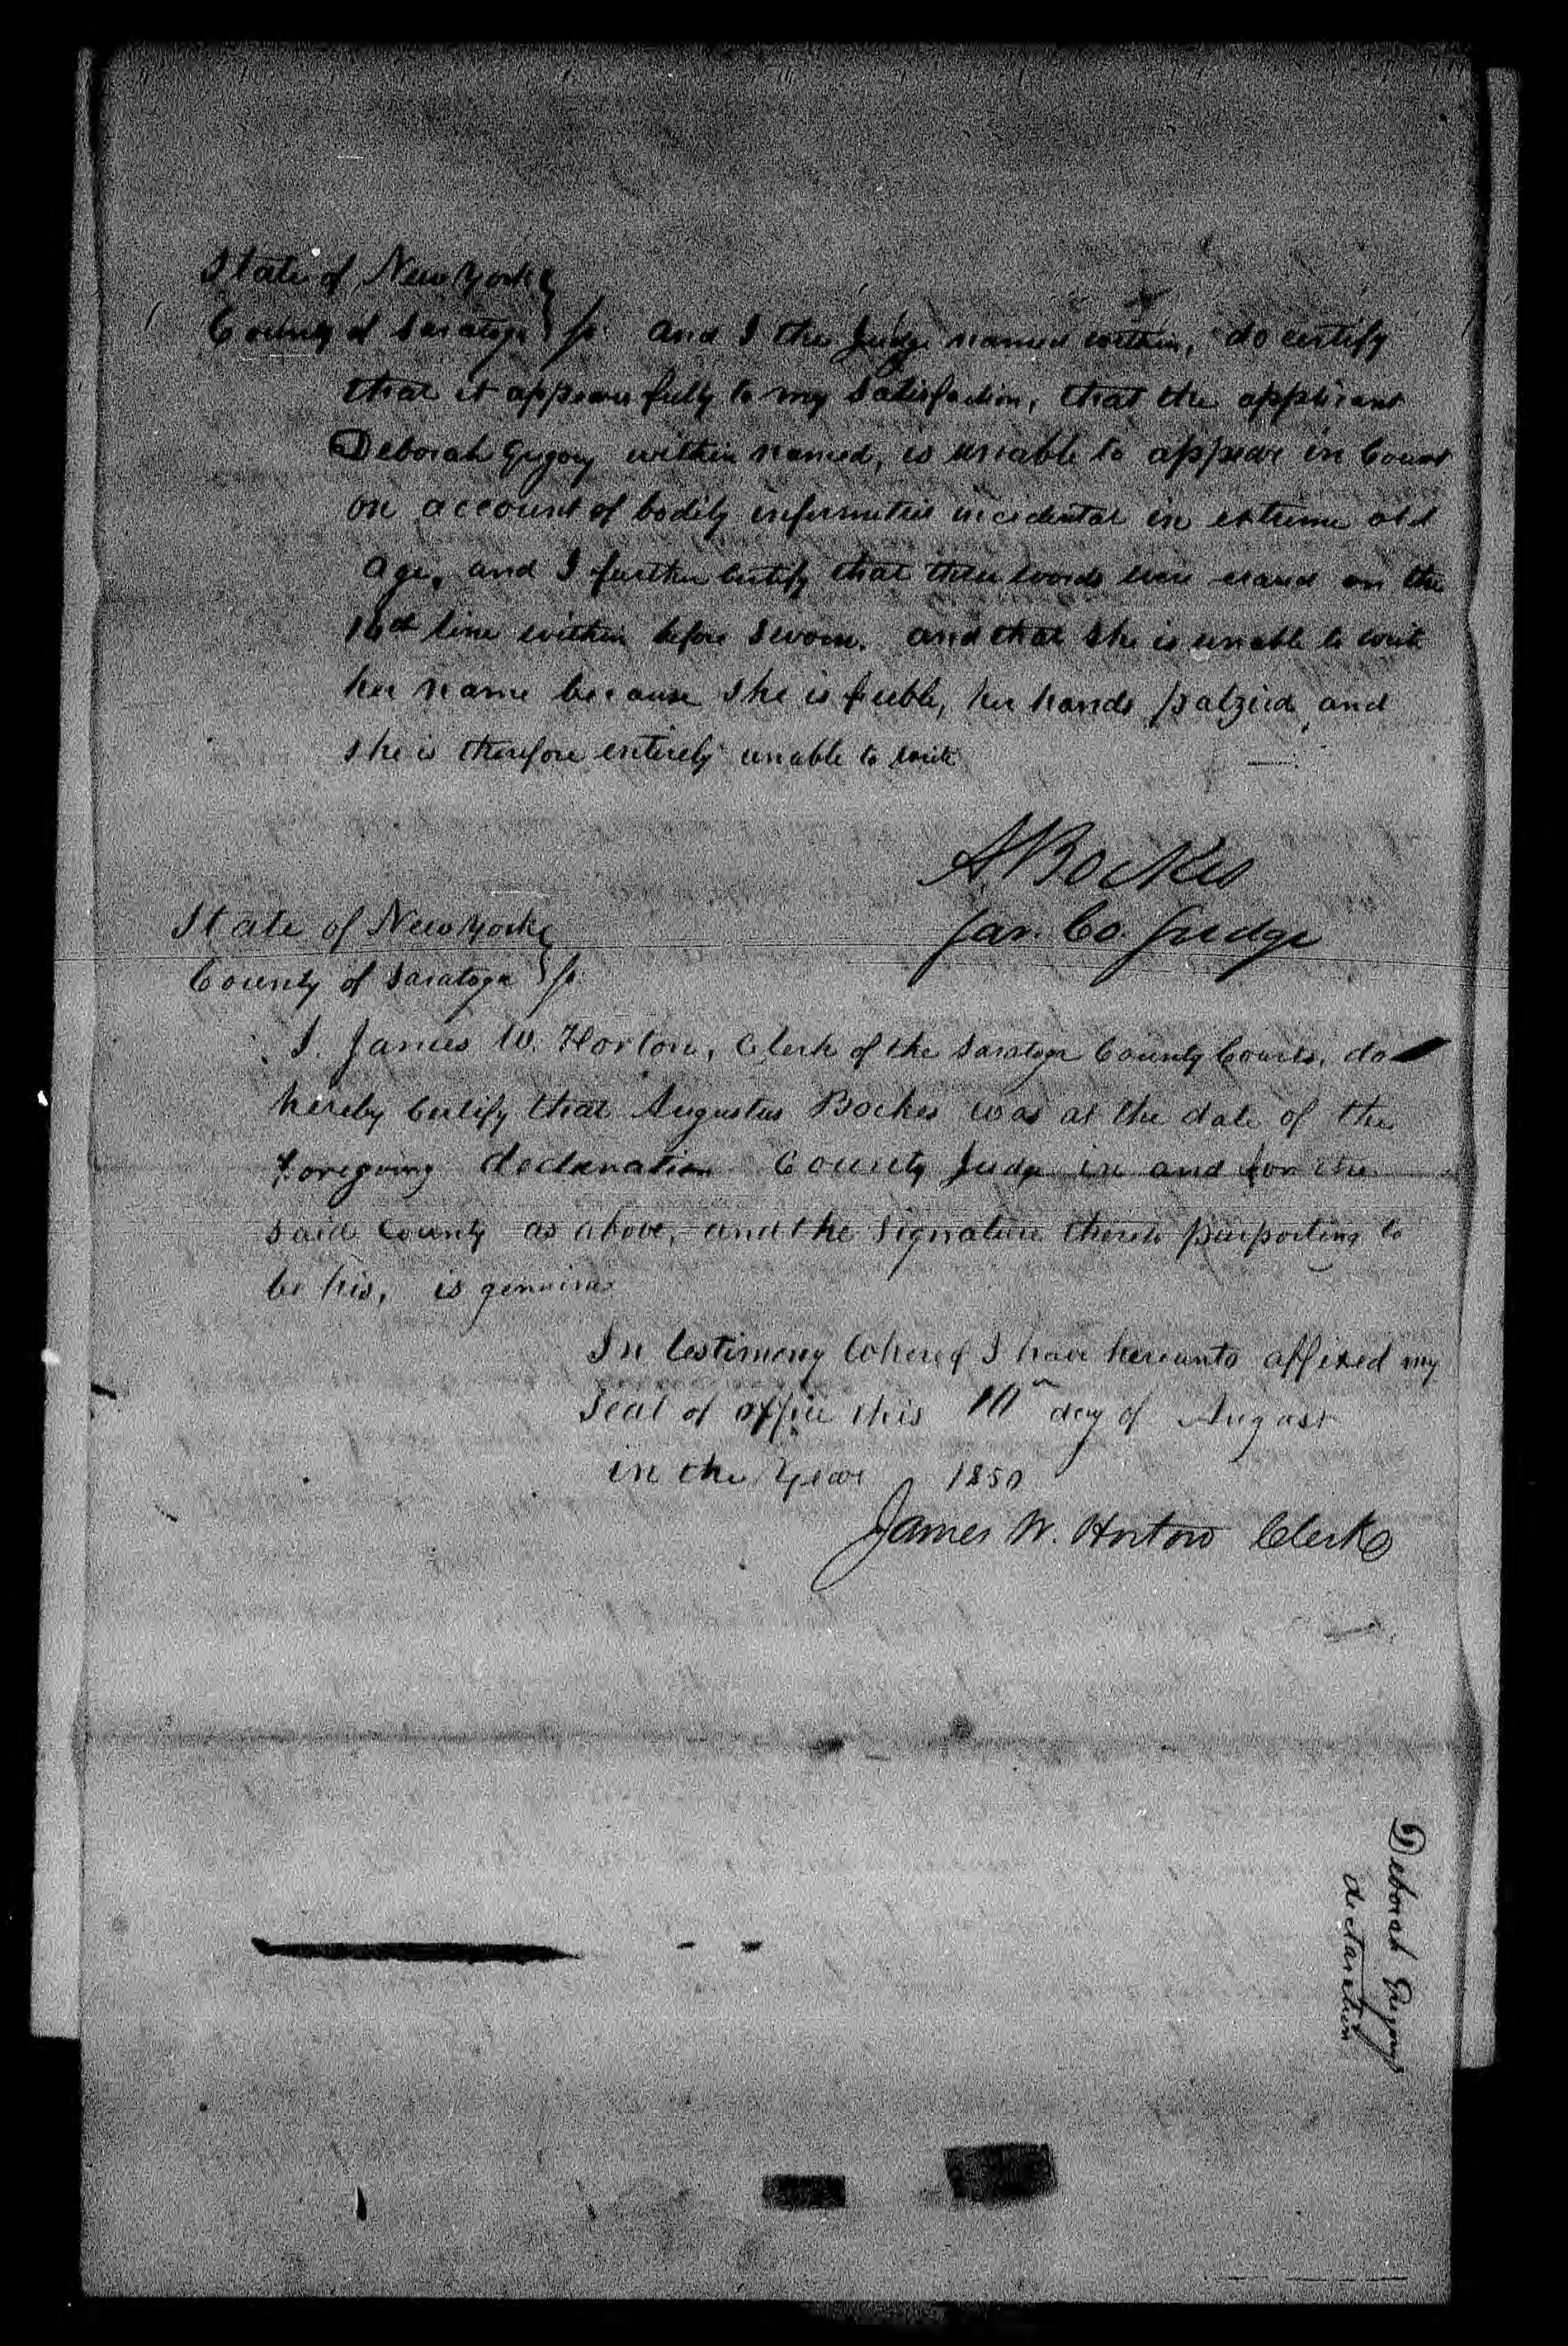State of New York
County of Saratoga} Js   and I the Judge named within do certify that it appears fully to my satisfaction, that the applicant Deborah Gregory within named, is unable to appear in Court on account of bodily infirmities incidental in extreme old age, and I further certify that these words were entered on the 16th line within before sworn, and that she is unable to sign her name because she is feeble, her hands palzied and she is therefore entirely unable to write.
           [Signed]  A Bockes
                          Sa Co Judge

State of New York
County of Saratoga Js

I, James W. Horton, Clerk of the Saratoga County Courts, do hereby certify that Augustus Bockes was at the date of the foregoing declaration County Judge in and for the said County as above, and the signature therein purporting to be his, is genuine.

In testimony whereof I have hereto affixed  my Seal  of office this 111th [sic] day of August
in the Year 1850
   [Signed] James W. Horton Clerk


[Written vertically, bottom right]                                  
                                      Deborah Gregory
                                         declaration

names: Deborah Gregory, A Bockes, James W Horton, Augustus Bockes, James W Horton, Deborah Gregory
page: 7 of 34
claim: widow's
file: W. 1596, Joseph Gregory, Conn.